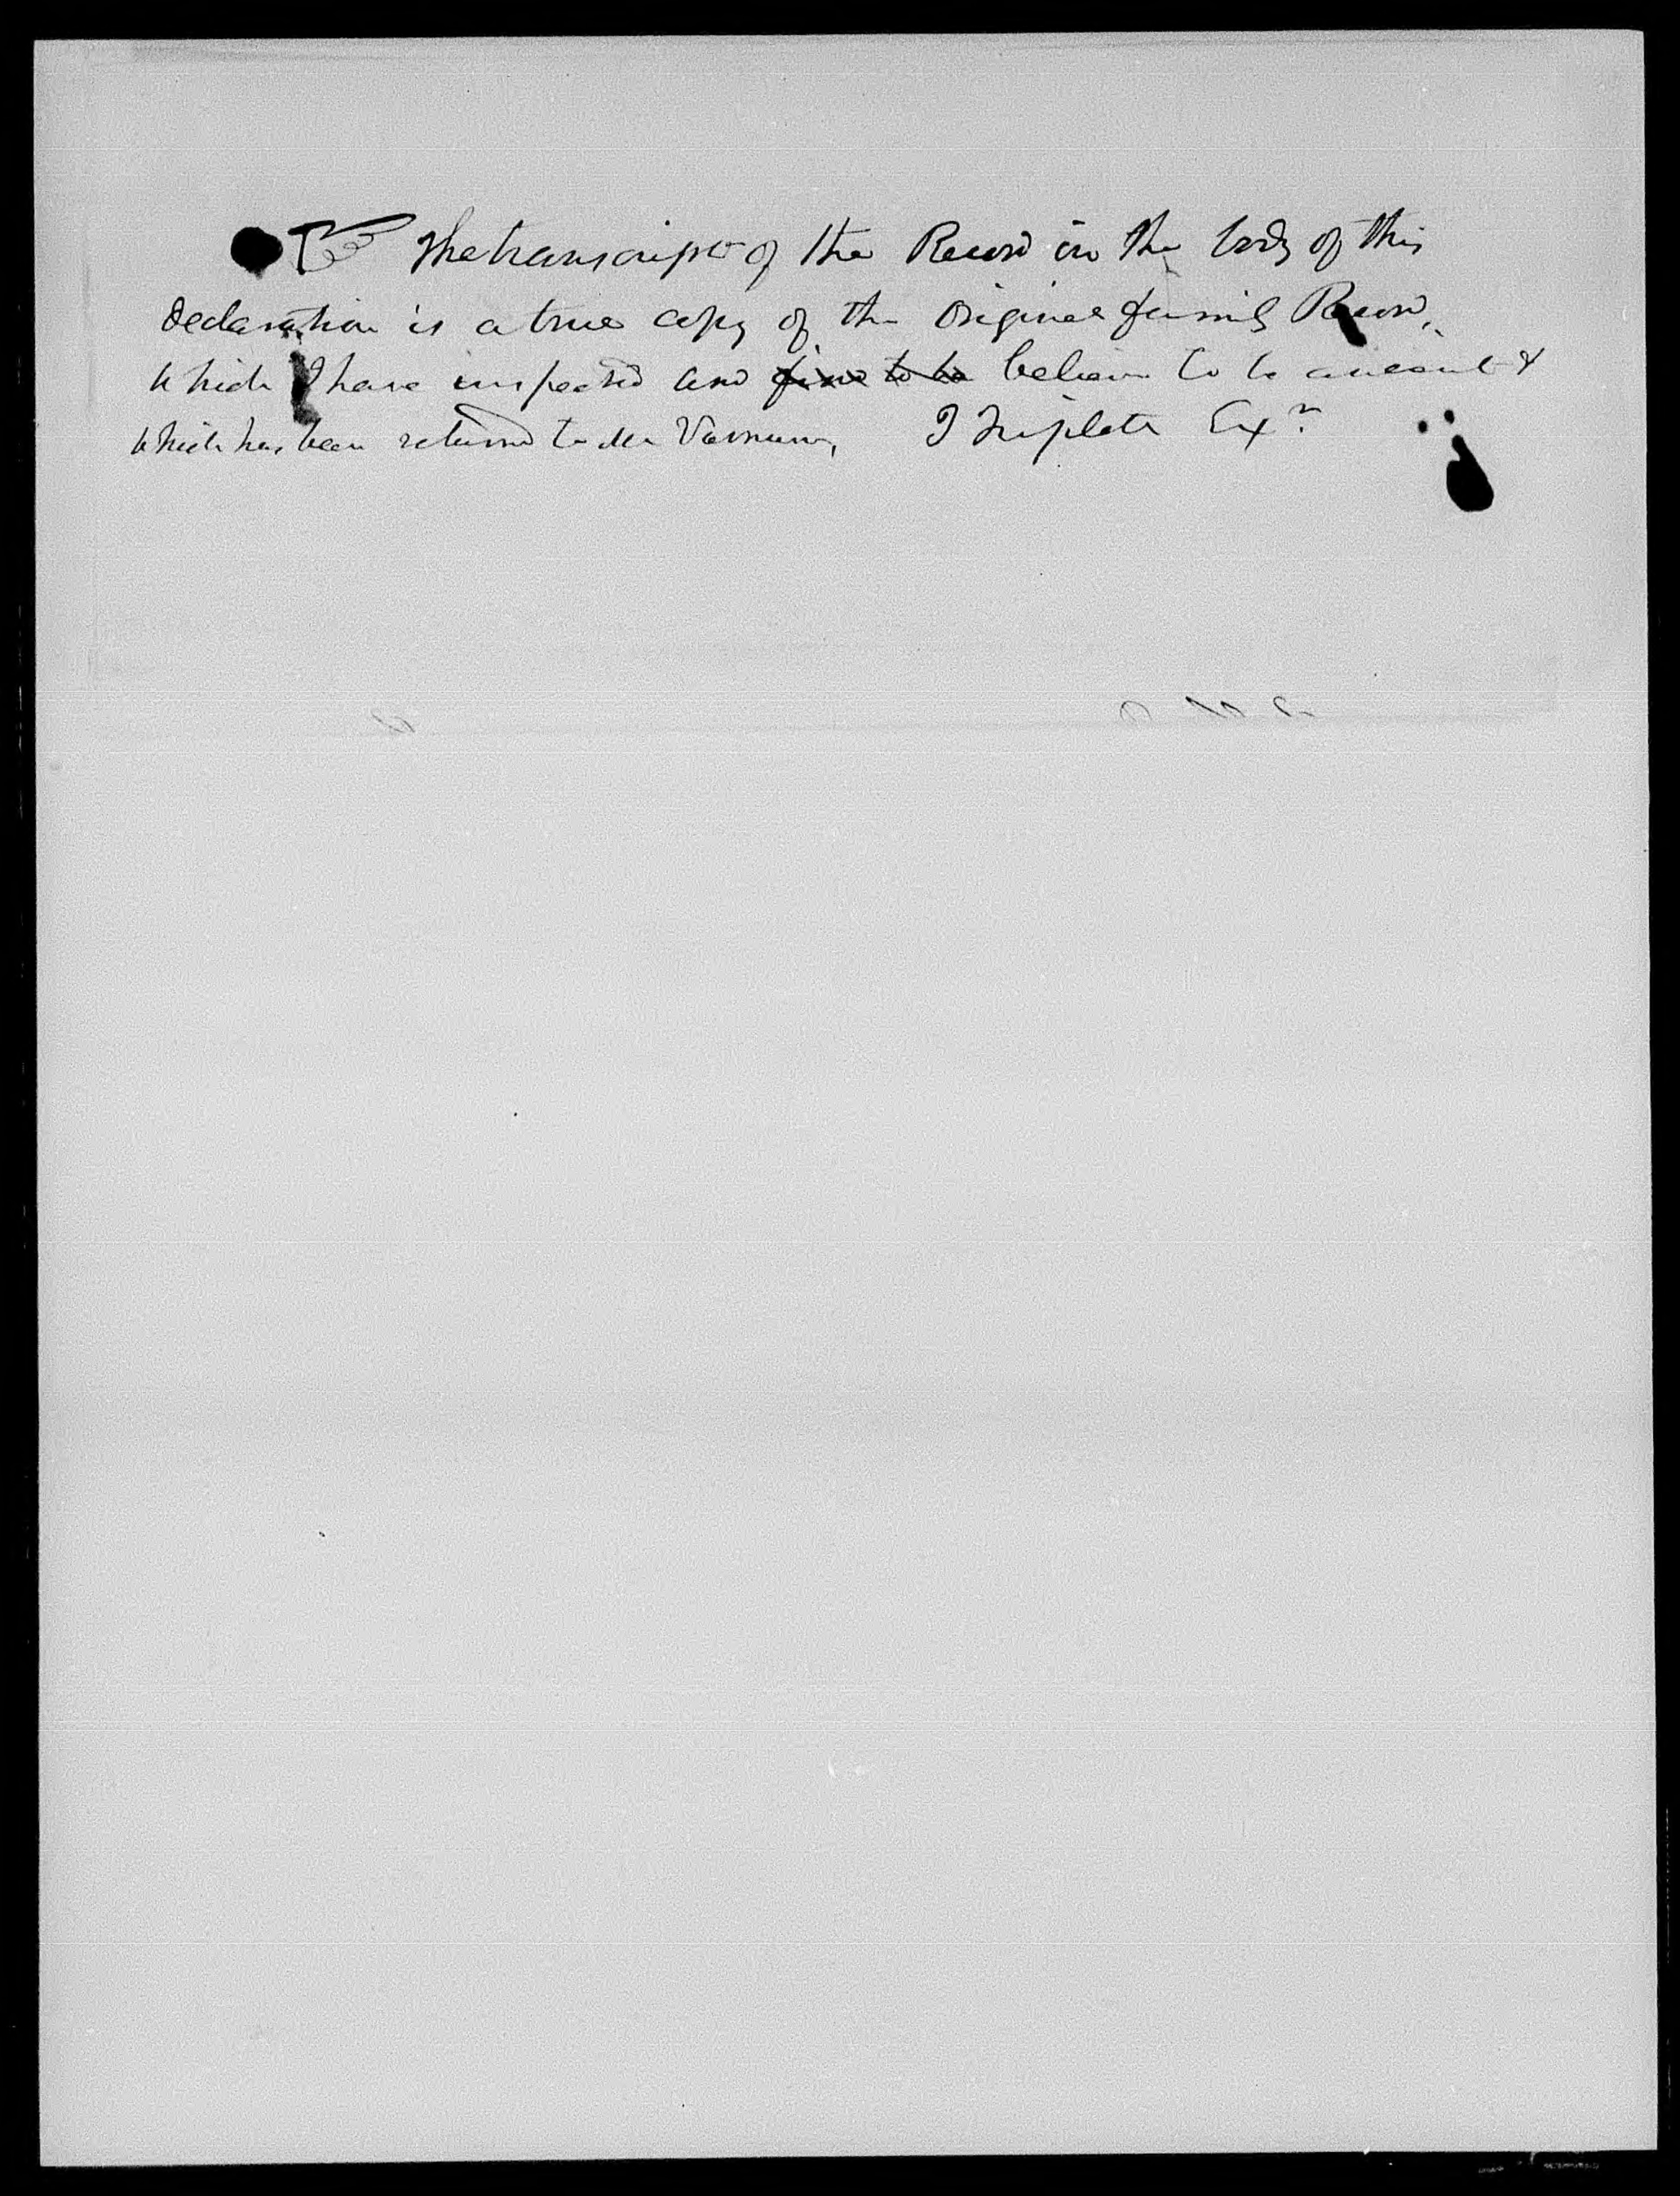The transcept of the Record in the body of this
declaration is a true copy of the Original family
Record which I have inspected and [find to be] [crossed out] believe to be [illegible] &
which has been returned to W Varnun
I Triplate Exr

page: 14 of 55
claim: widow's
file: W. 7894, for John Jenkins, Virginia